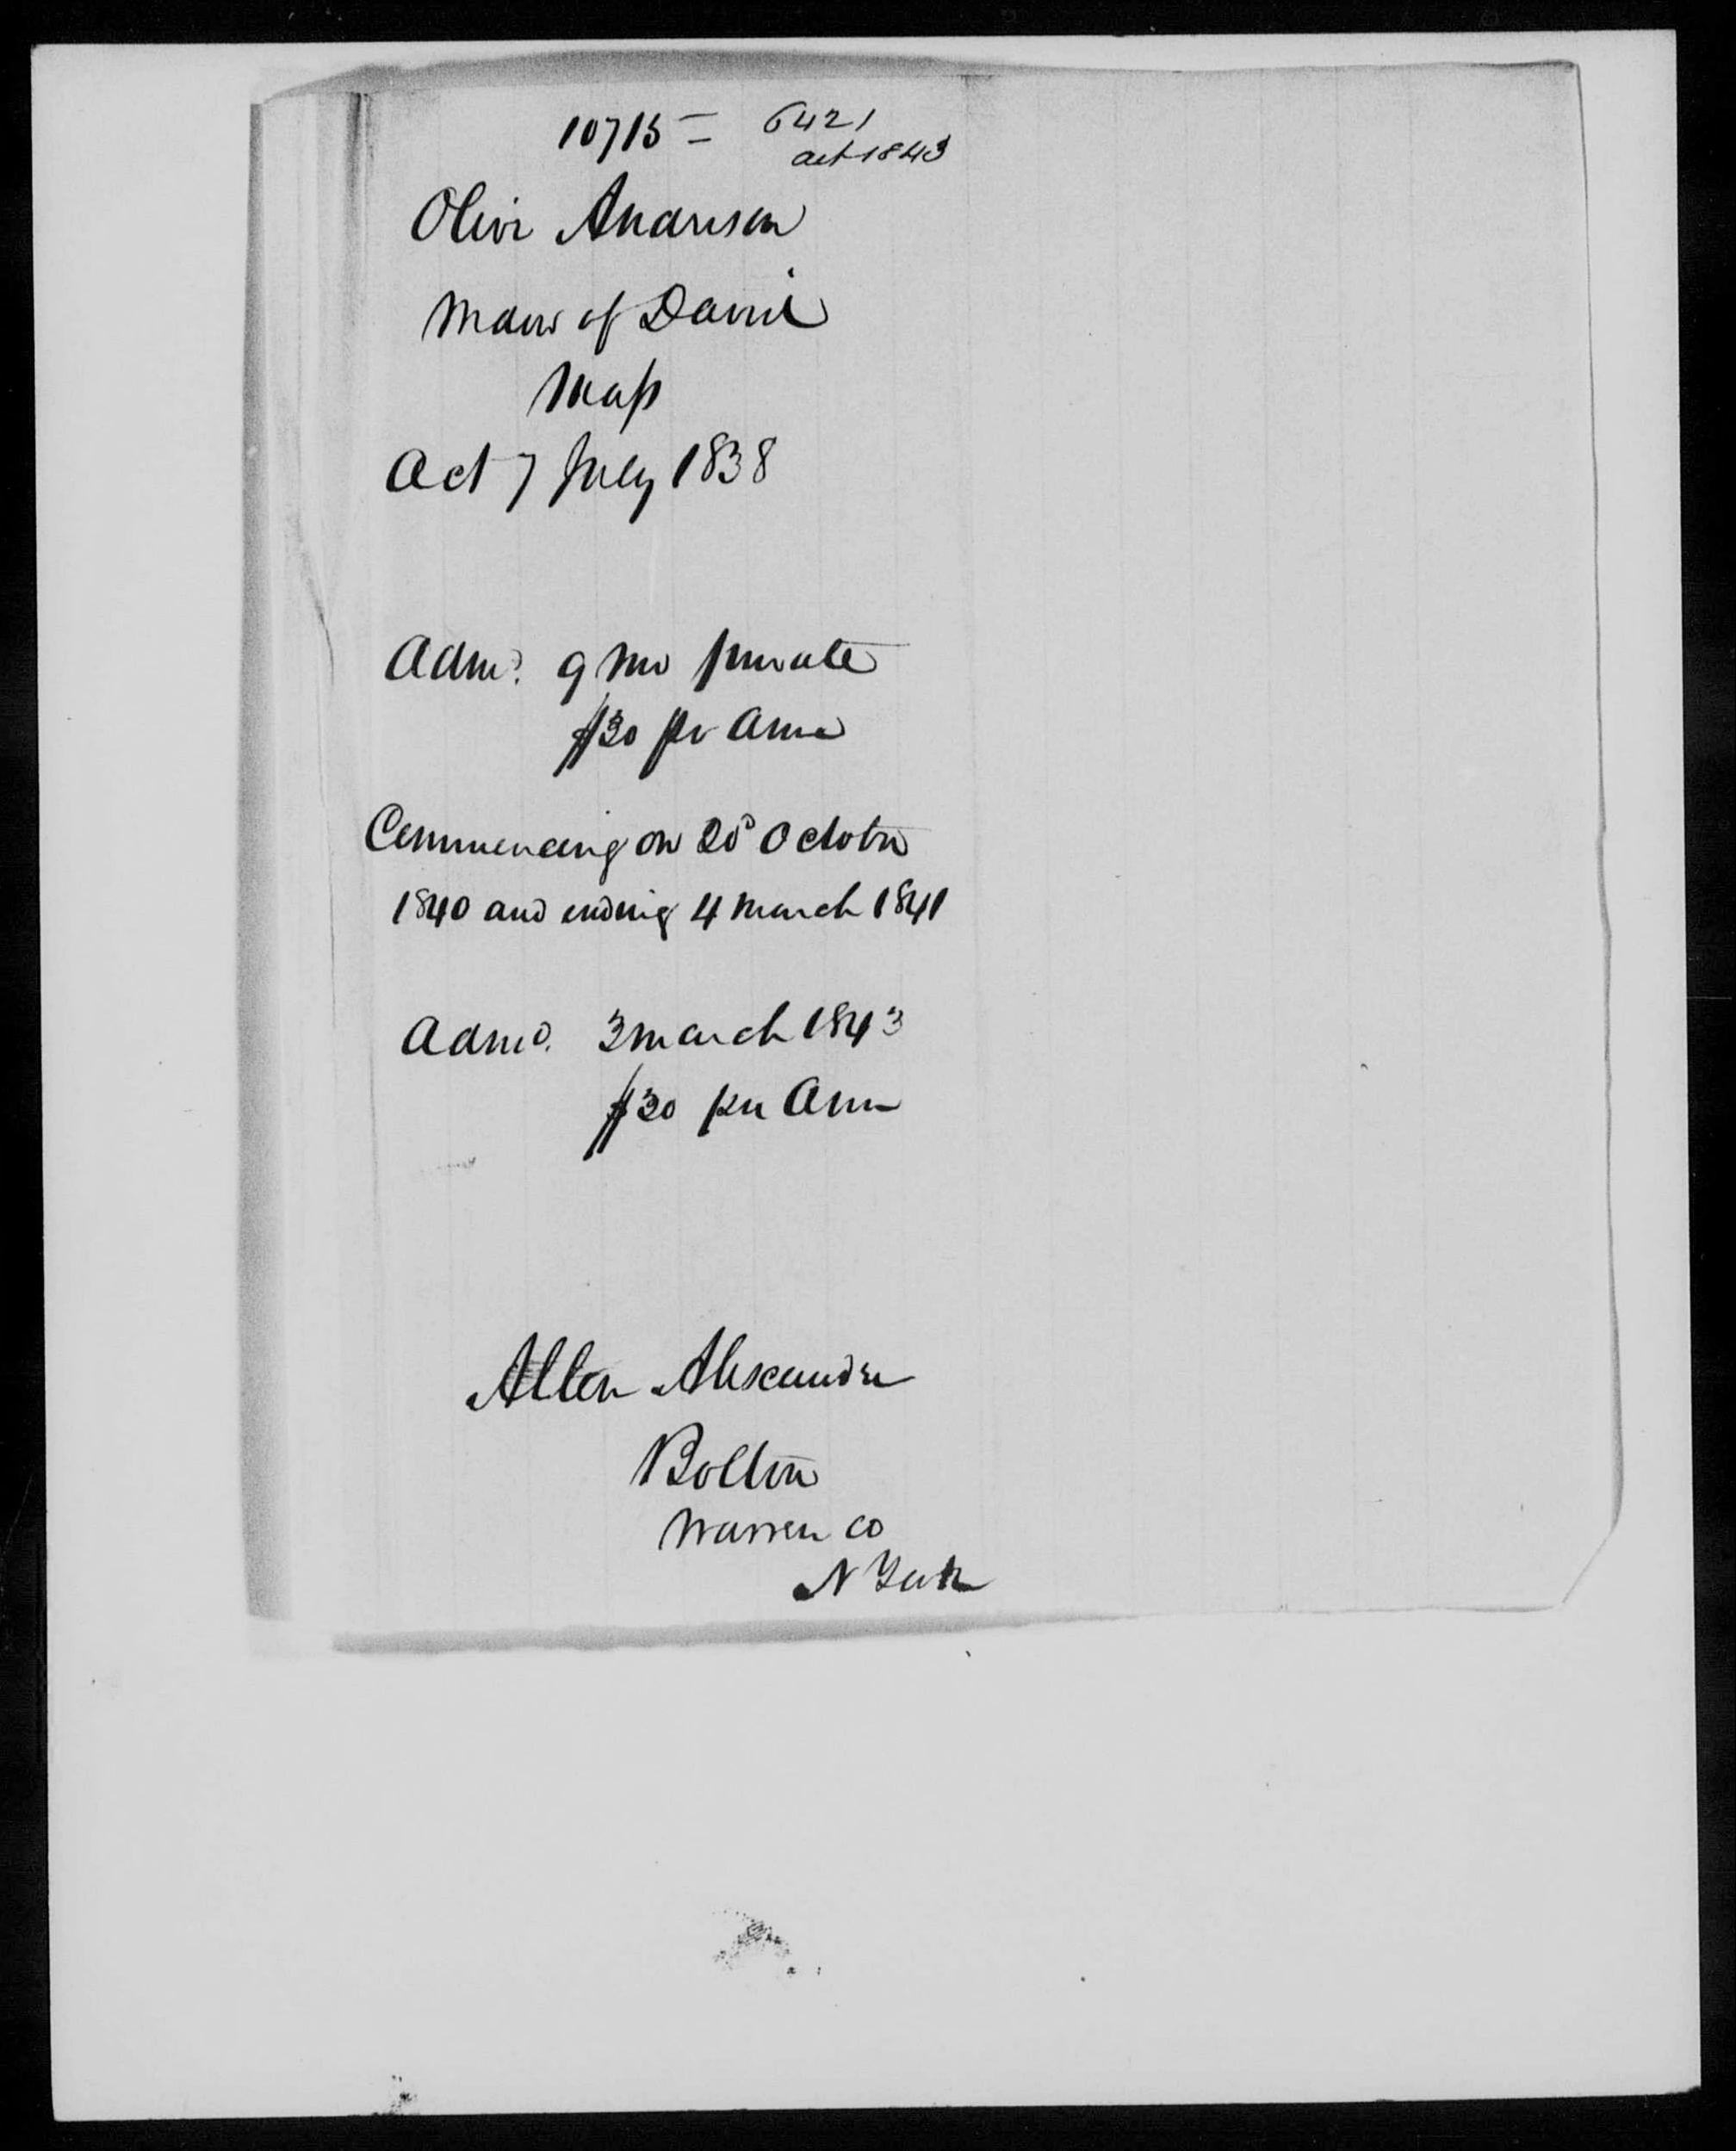10715 - 6421 act 1843
Olive Anderson
Widow of David
Mass
Act 7 July 1838

Admd? 9 mo private
$30 per ann
Commencing on 20 October
1840 and ending 4 March 1841

3 March 1843
$30
per Ann
Allen Alexander
Bolton
Warren Co
N York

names: David, Allen Alexander, Olive Anderson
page: 26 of 39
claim: widow's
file: W. 20624, David Anderson, Mass